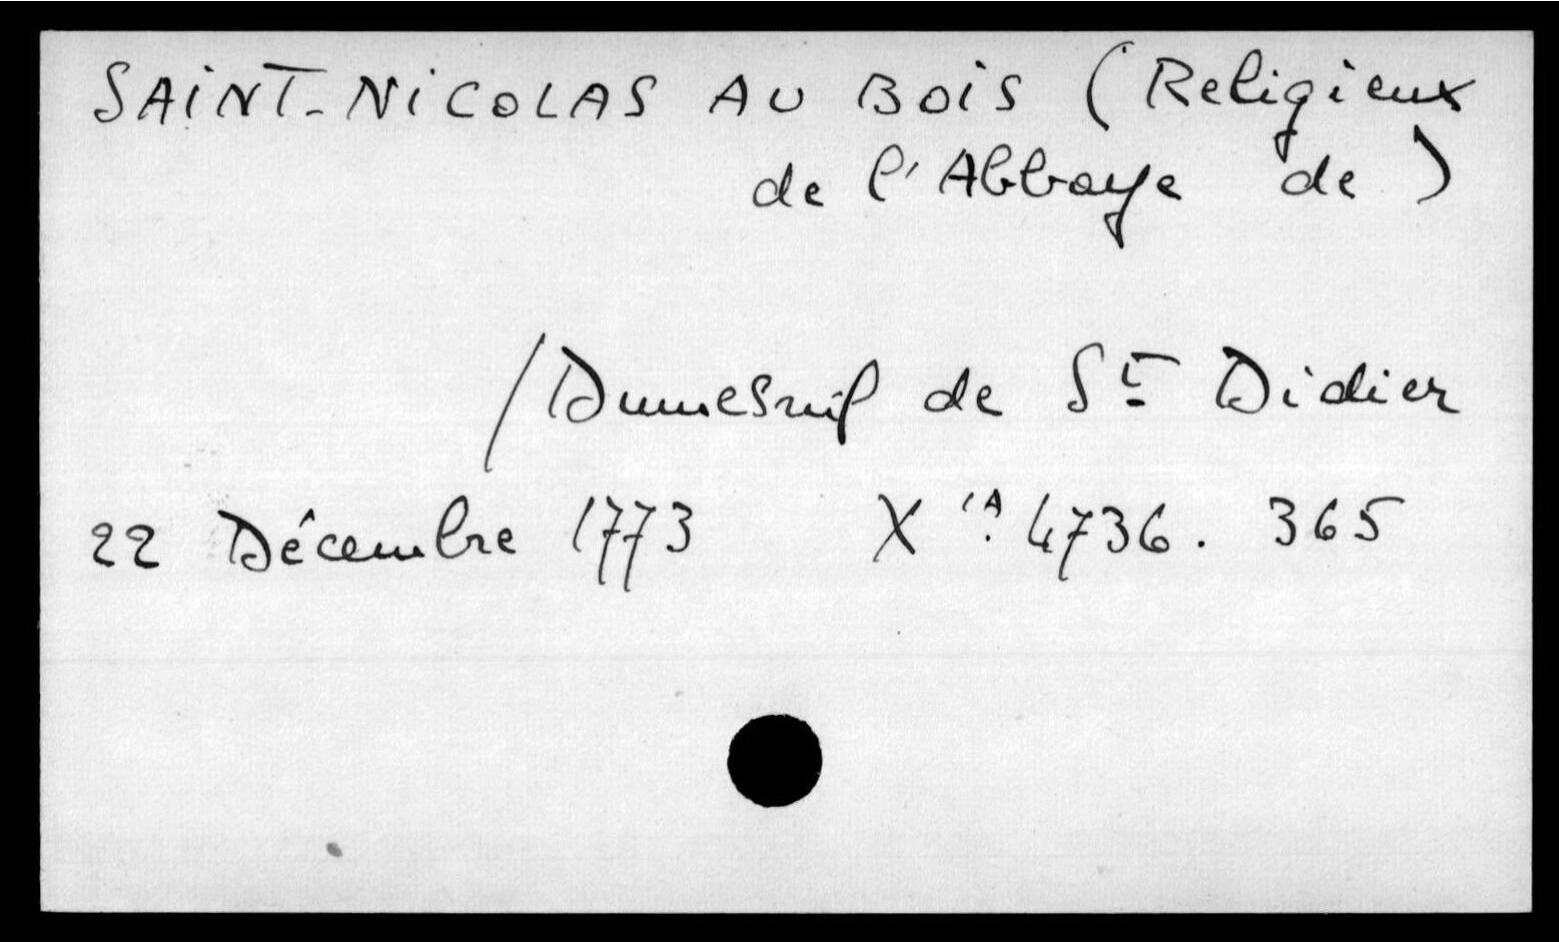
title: SAINT-NICOLAS AU BOiS (Religieux de l'abbaye de)
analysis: Contre Dumesnil de Saint-Didier
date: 22 décembre 1773
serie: X1A
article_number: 4736
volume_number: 365
